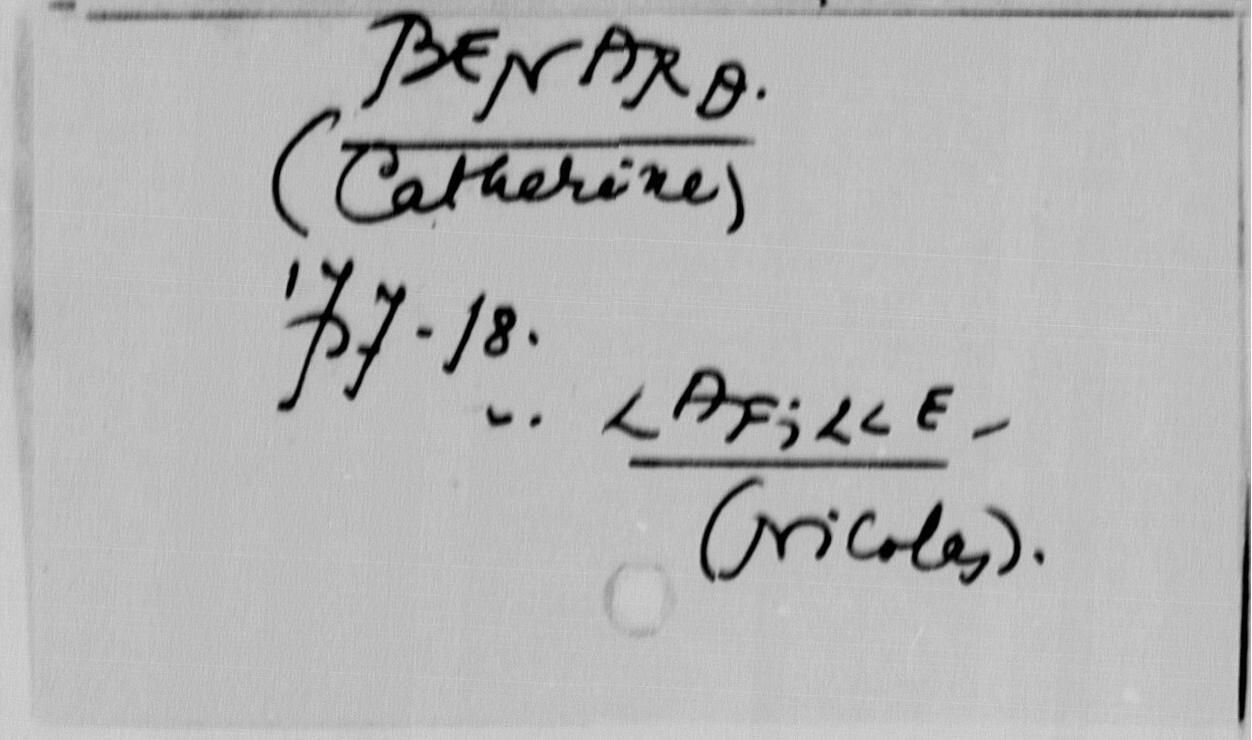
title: BENARD (Catherine)
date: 1717-1718
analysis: Voir LAFILLE (Nicolas)
